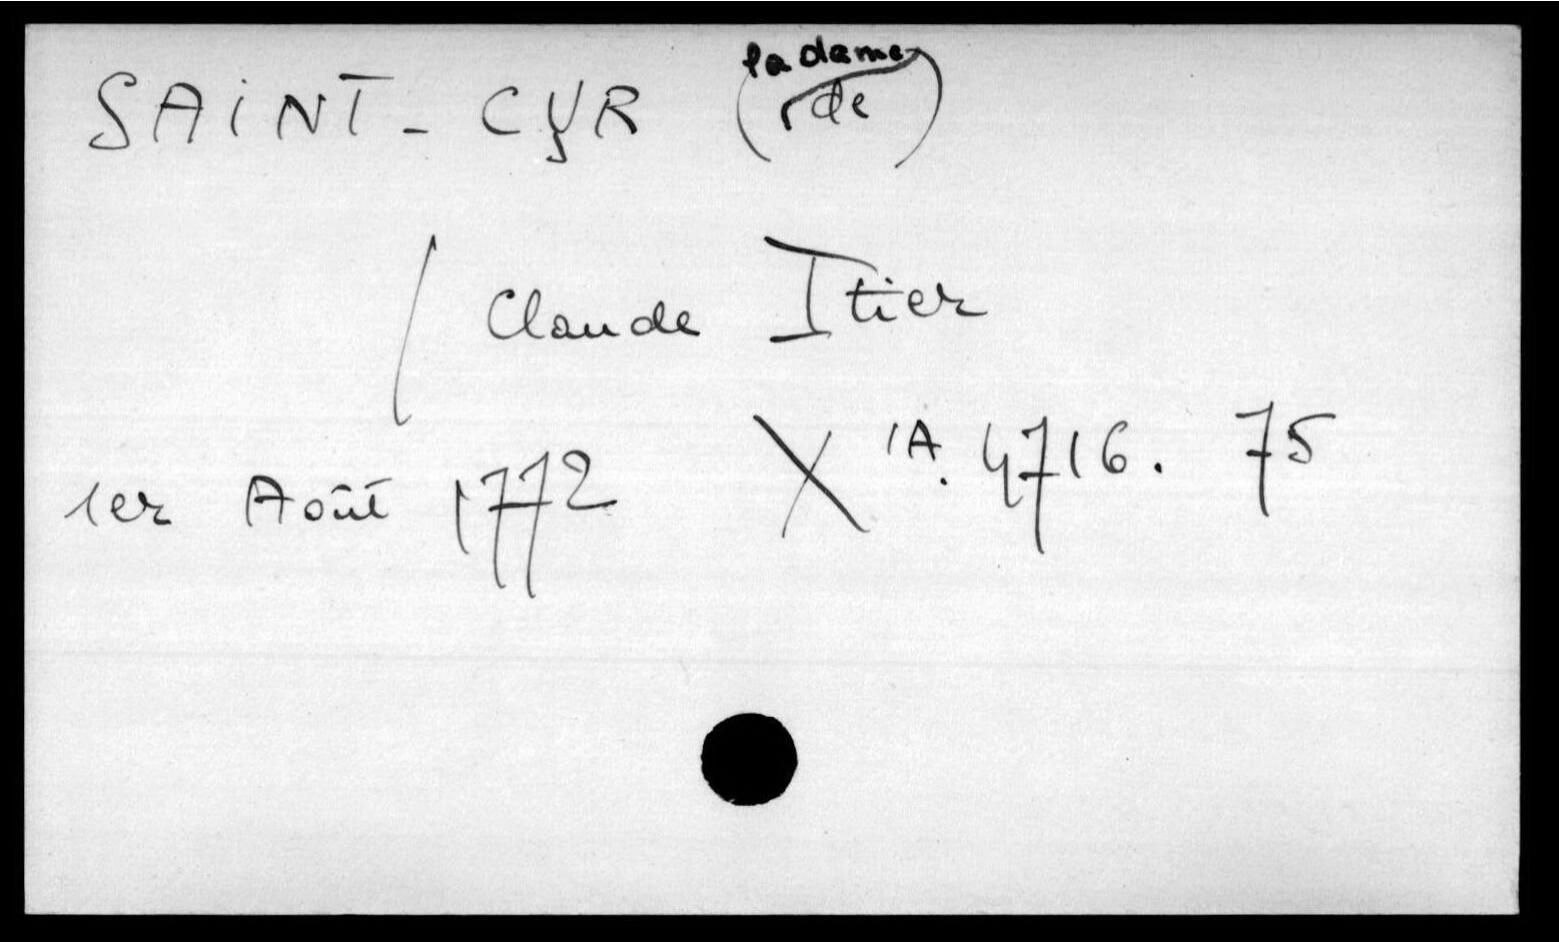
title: SAINT-CYR (la dame de)
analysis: Contre Claude Itier
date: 1 août 1772
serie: X1A
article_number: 4716
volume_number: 75
